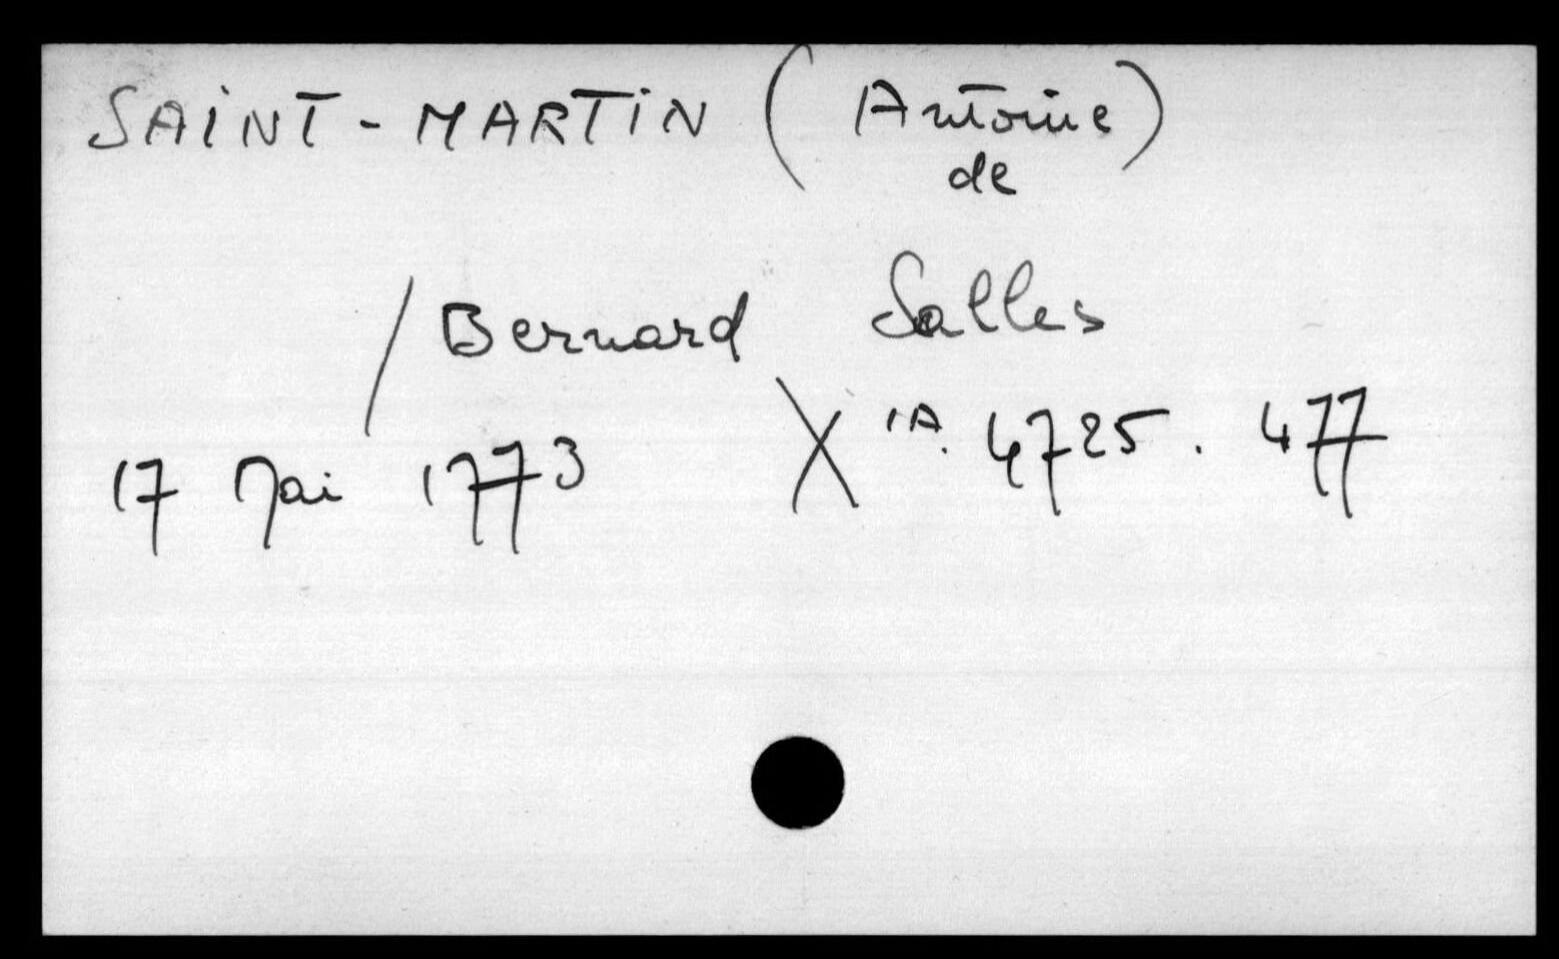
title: SAINT-MARTIN (Antoine) de Salles
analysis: Contre Bernard
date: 17 mai 1773
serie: X1A
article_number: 4725
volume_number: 477
